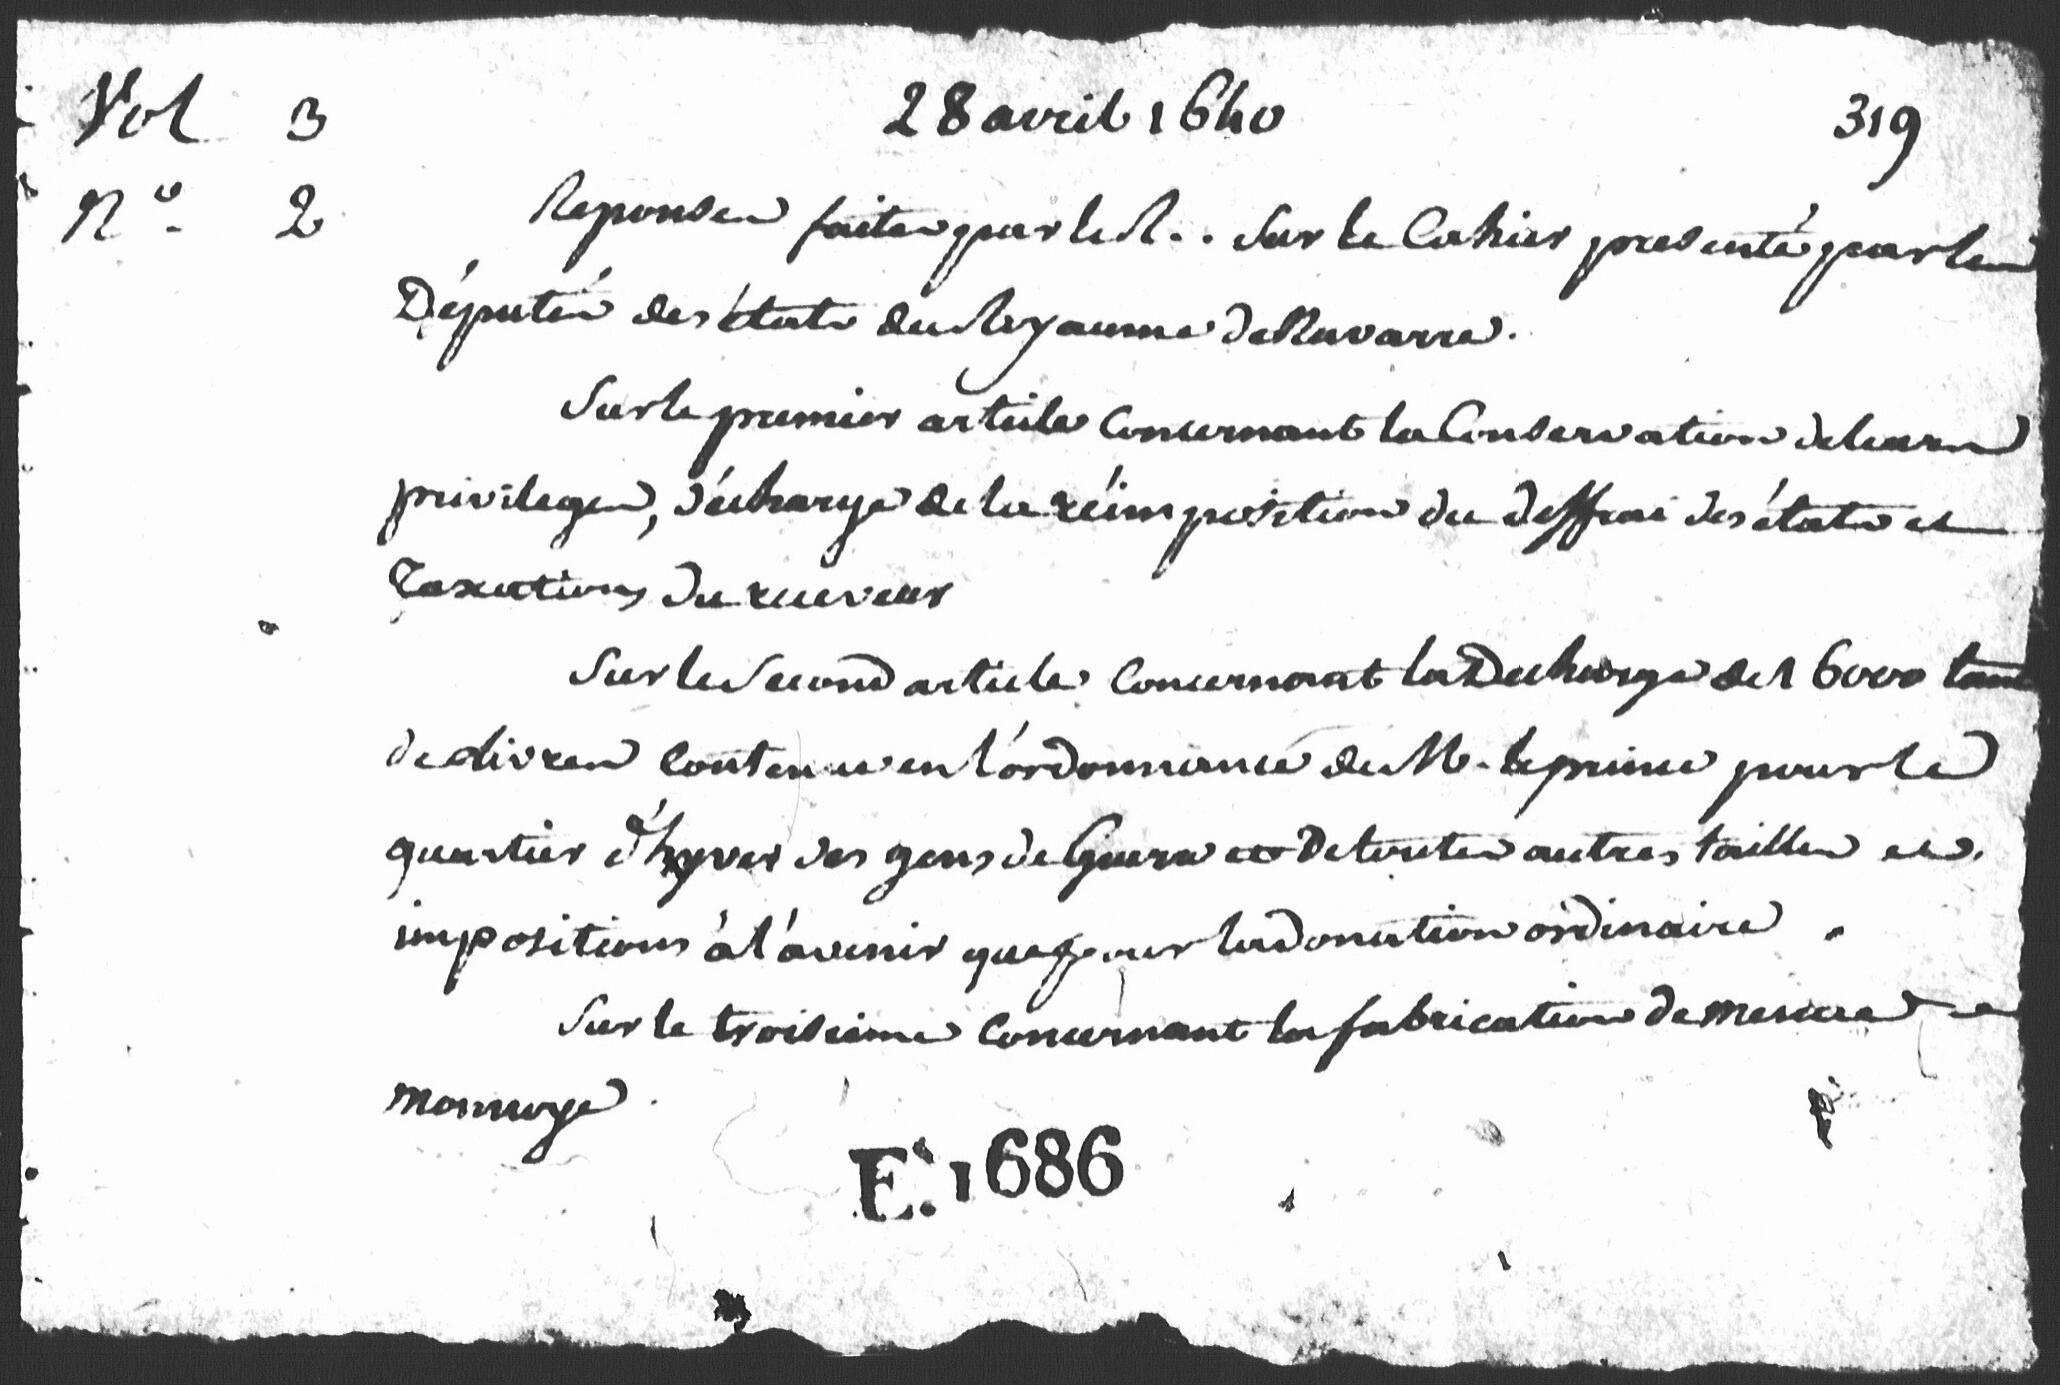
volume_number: n°2
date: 28 avril 1640
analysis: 319
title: Reponses faites par le Roi.. sur le cahier presenté par les Députés des états du Royaume de Navarre. Sur le premier article concernant la conservation de leurs privilèges, décharge de la réimposition du deffrai des états et taxations du receveur Sur le second article concernant la decharge de 16000 tant de livres contenues en l'ordonnance de M. le prince pour le quartier d'hyver des gens de guerre et de toutes autres tailles et impositions à l'avenir que pour la donation ordinaire Sur le troisieme concernant la fabrication de menue monnoye
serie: E
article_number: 1686
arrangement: vol 3
